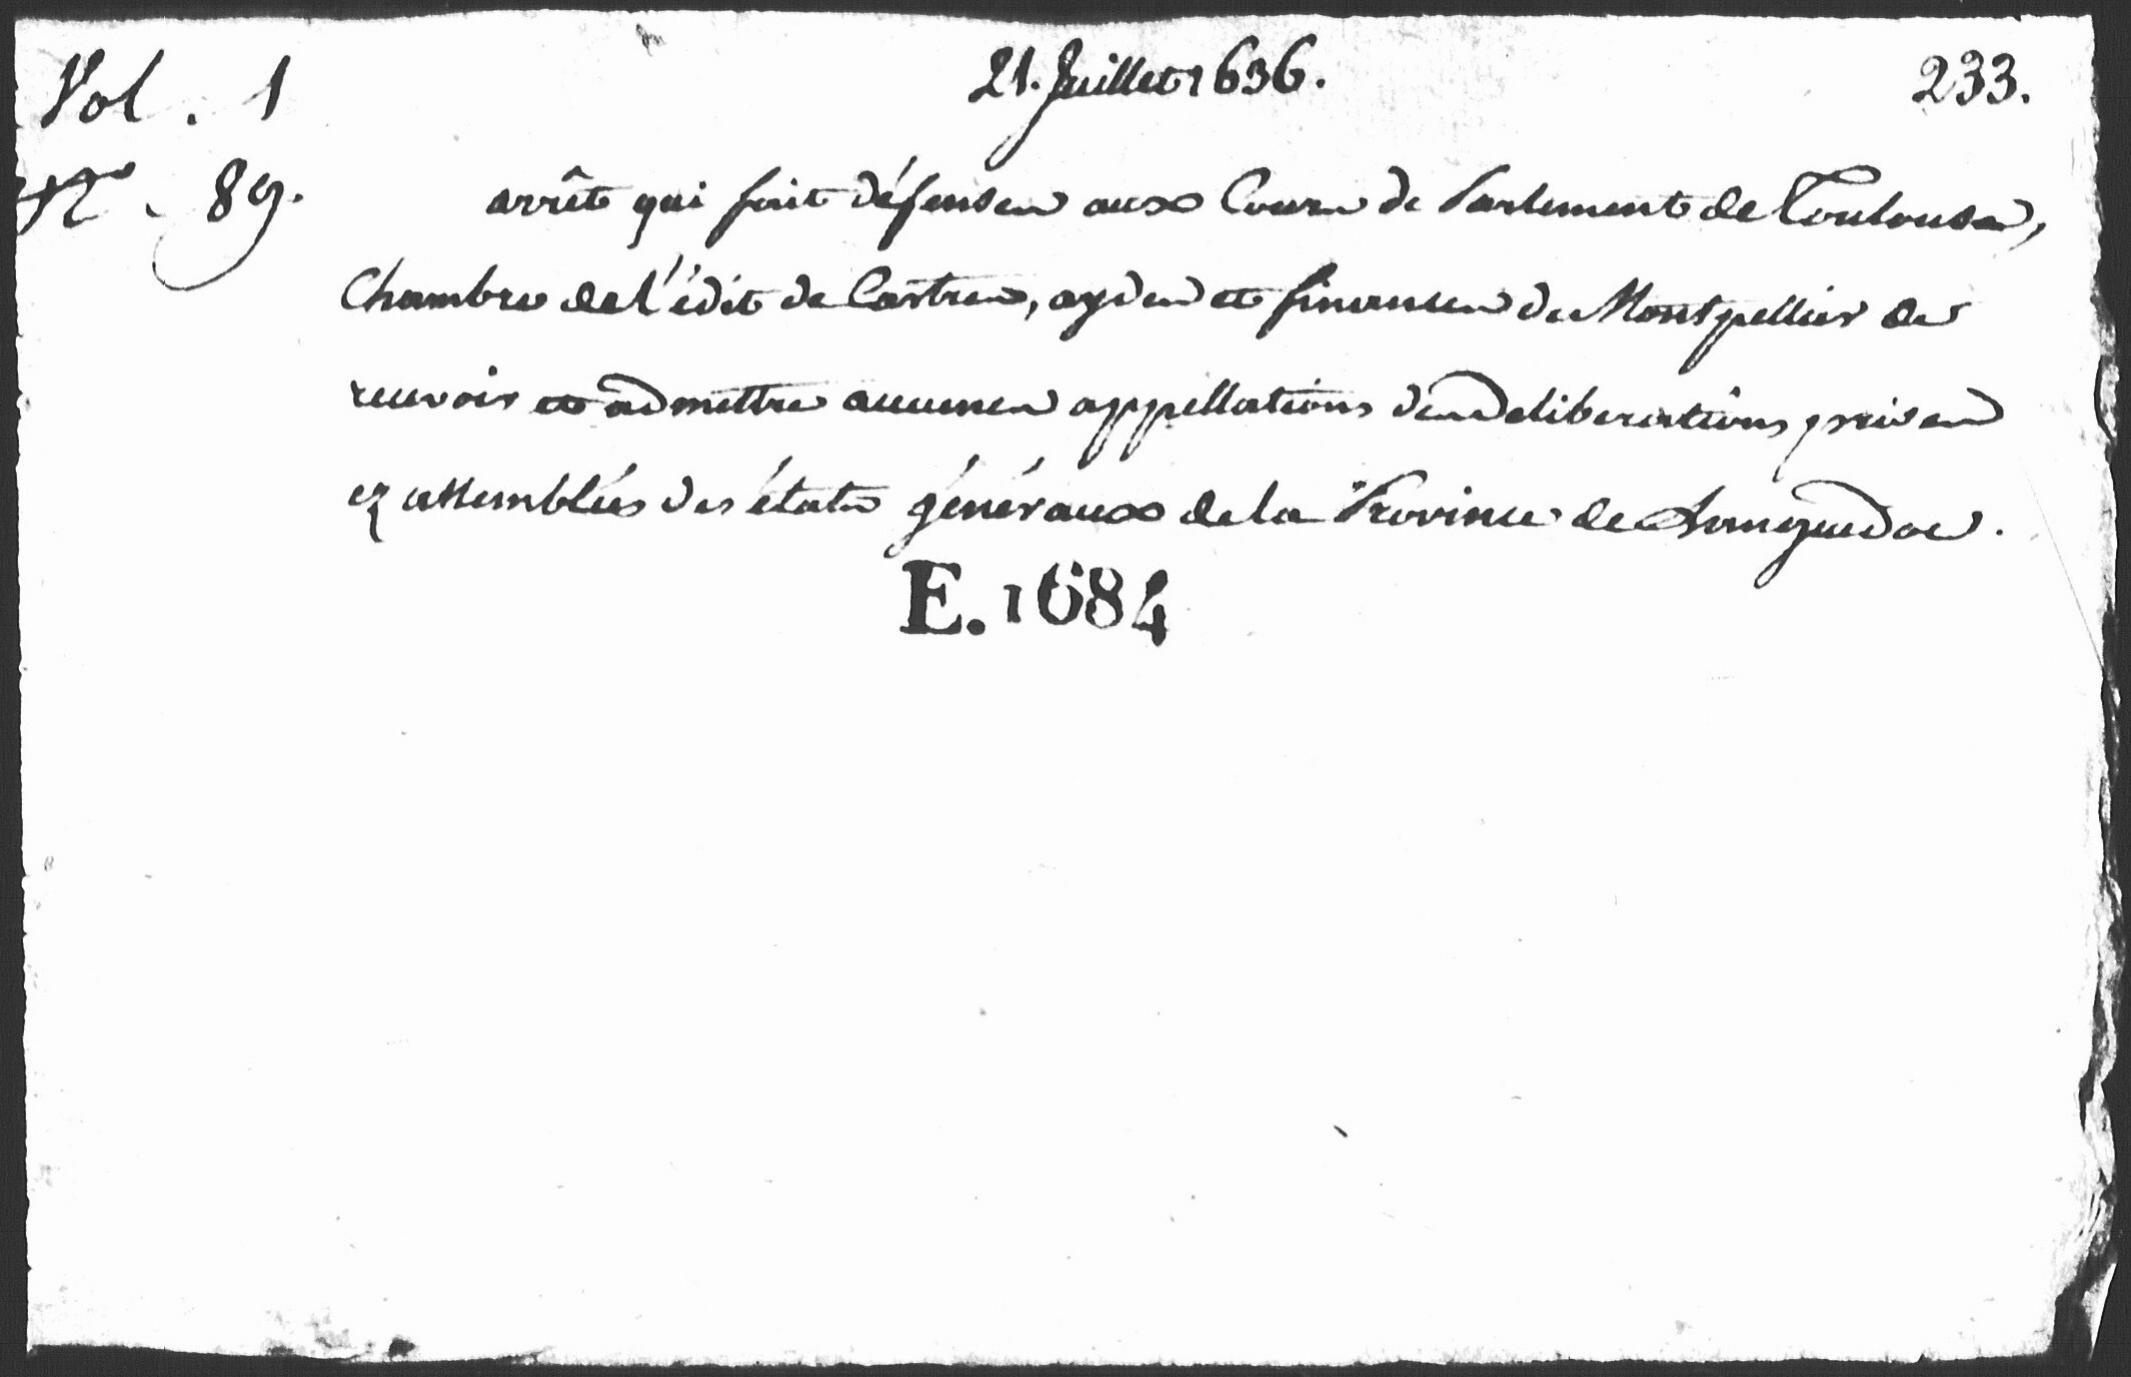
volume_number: n°89
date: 21 juillet 1636
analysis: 233
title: arrêt qui fait défenses aux Cours de Parlement de Toulouse, Chambre de l'édit de Castres, aydes et finances de Montpellier de recevoir et admettre aucunes appellations des deliberations prises ez assemblées des états généraux de la Province de Languedoc.
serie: E
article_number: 1684
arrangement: vol. 1
